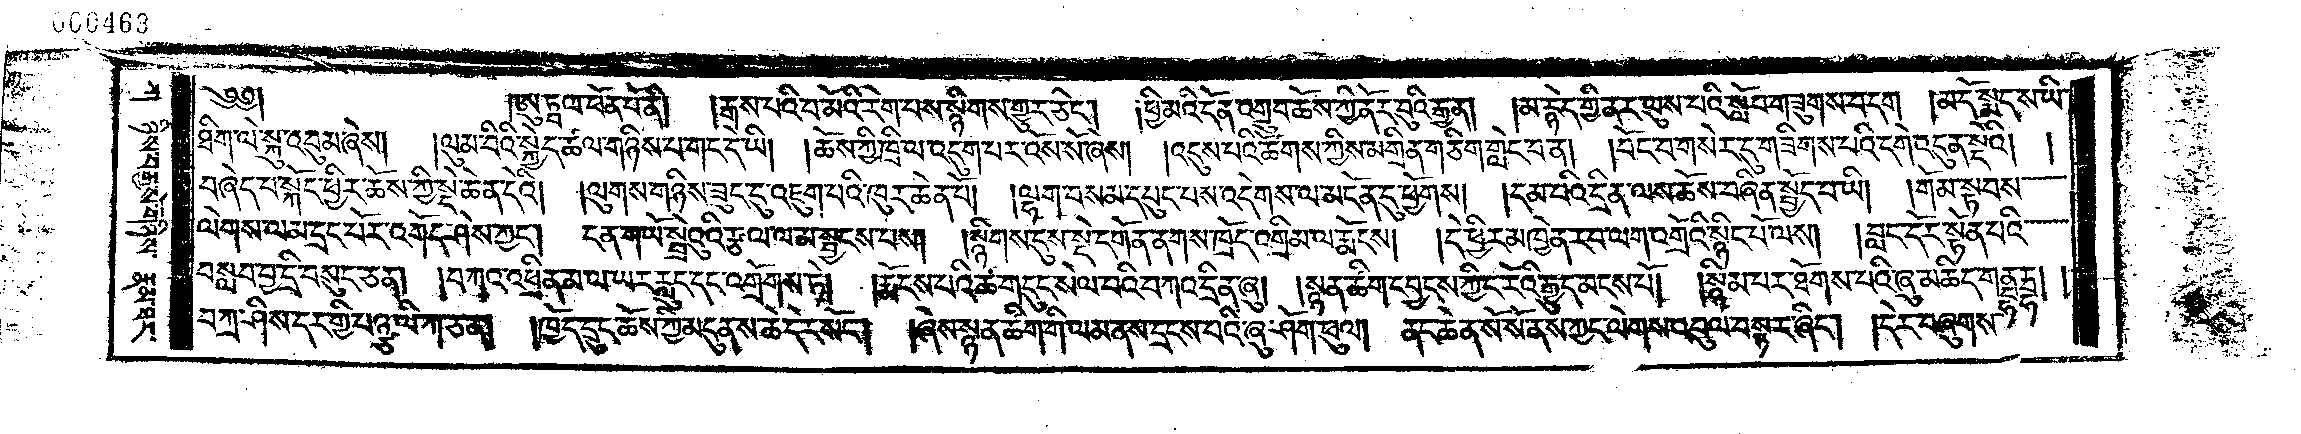༄༅། །ཨུཏྤལ་ཕོན་པོ་ནི། །རྒས་པའི་བ་མོའི་རེག་པས་སྙིགས་གྱུར་ཅིང་། །ཕྱི་མའི་དོན་འགྲུབ་ཆོས་ཀྱི་ནོར་བུའི་རྒྱན། །མ་རྙེད་གྱི་ནར་ལུས་པའི་སློབ་གཟུགས་བདག །མདོ་སྨད་ས་ཡི་
ཐིག་ལེ་སྐུ་འབུམ་ཞེས། །ལུམ་བིའི་སྐྱེད་ཚལ་གཉིས་པ་གང་དེ་ཡི། །ཆོས་ཀྱི་ཁྲི་ལ་འདུག་པར་འོས་སོ་ཞེས། །འདུས་པའི་ཚོགས་ཀྱིས་མགྲིན་གཅིག་གླེང་བ་ན། །བོང་པ་གསེར་དུ་གཟིགས་པའི་དགེ་འདུན་སྡེའི། །
བཞེད་པ་སྐོད་ཕྱིར་ཆོས་ཀྱི་སྡེ་ཆེན་དེའི། །ལུགས་གཉིས་ཟུང་དུ་འཇུག་པའི་ཁུར་ཆེན་པོ། །ལྷག་བསམ་དཔུང་པས་འདེགས་ལ་མངོན་དུ་ཕྱོགས། །དམ་པའི་དྲིན་ལས་ཆོས་བཞིན་སྦྱོད་པ་ཡི། །གོམ་སྟབས་
ལེགས་ལམ་དྲང་པོར་འགོད་ཤེས་ཀྱང་། ངན་གཡོ་སྦྲེའུའི་རྩལ་ལམ་སྦྱངས་པས། །སྙིགས་དུས་སྡེ་དགོན་ནགས་ཁྲོད་འགྲིམ་ལ་རྨོངས། །དེ་ཕྱིར་མཁྱེན་རབ་ལག་འགྲོའི་སྙིང་པོ་ལས། །བླང་དོར་སྟོན་པའི་
བསླབ་བྱ་དྲི་བསུང་ཅན། །བཀའ་འཕྲིན་མ་ལ་ཡར་རླུང་དང་འགྲོགས་ཏེ། །རྨོངས་པའི་ཚ་གདུང་སེལ་བའི་བཀའ་དྲིན་ཞུ། །སྙན་ཚིག་དབྱངས་ཀྱི་ང་རོའི་རྒྱུད་མངས་པོ། །སྙིམ་པར་ཐོགས་པའི་ཞུ་མཆིད་གནྡྷརྦྷ། །
བཀྲ་ཤིས་དར་གྱི་པཉྩ་ལི་ཀ་ཅན། །ཁྱོད་དྲུང་ཆོས་ཀྱི་མདུན་ས་ཆེ་དེར་སོང་། །ཞེས་སྙན་ཚིག་གི་ལམ་ནས་དྲངས་པའི་ཞུ་ཤོག་ཕུལ། ནང་ཆེན་སོ་སོ་ནས་ཀྱང་ལེགས་འབུལ་བསྟར་ཞིང་། །དེར་བཞུགས་